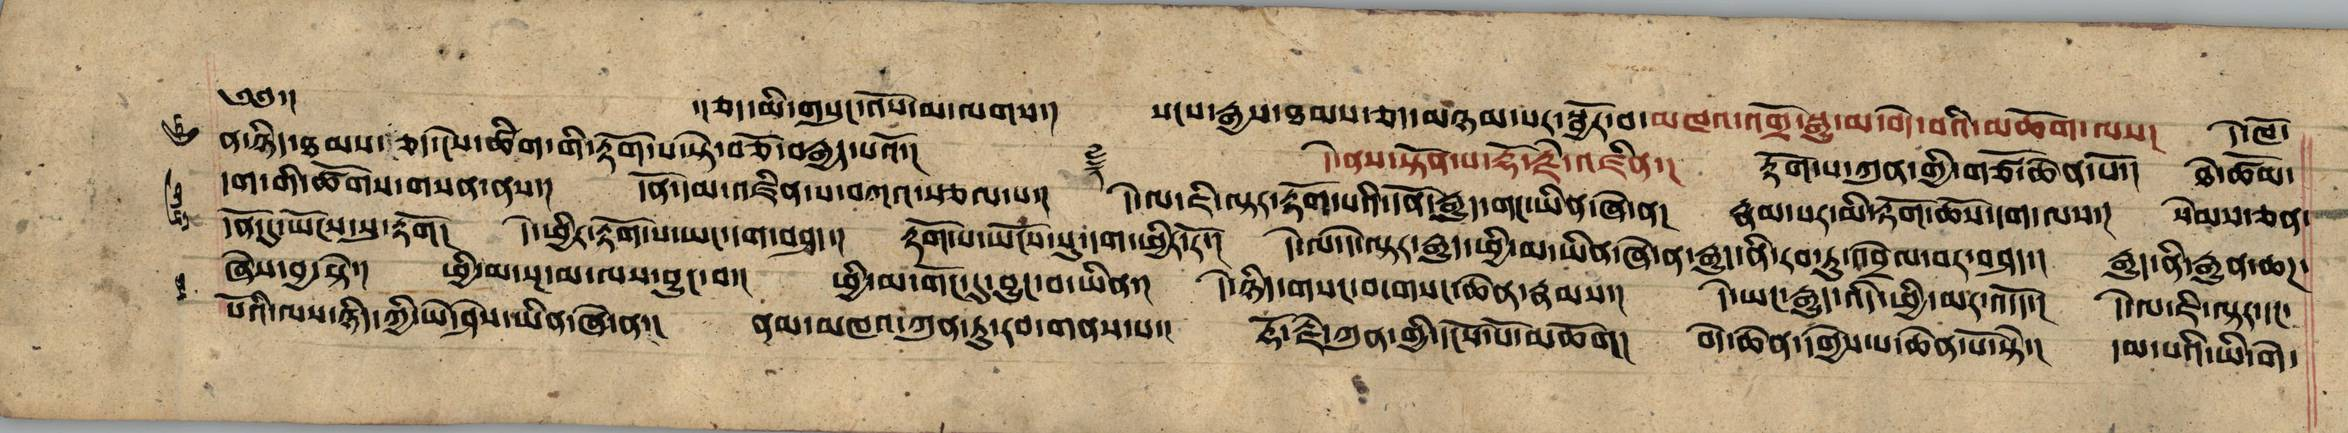༄༅་། ་།་ཅད་མི་གསུང་འོས་མ་ལགས་། སངས་རྒྱས་ཐམས་ཅད་མཉམ་པར་སྦྱོར་བ་མཁའ་འགྲོ་སྒྱུ་མ་བདེ་བའི་མཆོག་ལས་། དེ་ཁོ་
ན་ཉིད་ཐམས་ཅད་ངེས་ཚིག་གི་རྟོག་པ་སྟེ་བཅོ་བརྒྱད་པའོ་། ༈ དེ་ནས་སྟོན་པ་རྡོ་རྗེ་འཛིན་། རྟོག་པ་ཀུན་གྱི་གཙོ་ཆེན་པོ་། ཐེ་ཚོམ་
དག་གི་ཚོགས་གསན་ནས་། དོན་དམ་འཛིན་པ་བཀའ་སྩལ་པ་། དེ་ལ་ཇི་ལྟར་རྟོག་པའི་དོན་རྒྱུད་གང་ཡིན་ཞེ་ན་། རྣམ་པར་མི་རྟོག་ཆོས་དག་ལས་། སེམས་ཅན་
དོན་དུ་ཡོངས་སུ་རྟོག། དེ་ཕྱིར་རྟོག་པ་ཡང་དག་བཤད་། རྟོག་པ་ཡོངས་སུ་དག་ཕྱིར་རོ་། དེ་ལ་དེ་ལྟར་རྒྱུད་ཕྱི་མ་ཡིན་ཞེ་ན་རྒྱུད་ནི་རབ་ཏུ་འབྲེལ་བར་བཤད་། རྒྱུད་ནི་རྒྱུན་ཆཌ་
ཞེས་བྱ་སྟེ་། ཕྱི་མ་སྔ་མ་ལས་བྱུང་བ་། ཕྱི་མ་གོང་དུ་བྱུང་བ་ཡིན་། དེ་ཉིད་གསང་བ་གསང་ཆེན་རྣམས་། དེ་ཡང་རྒྱུད་འདི་ཕྱི་མར་འདོད་། དེ་ལ་ཇི་ལྟར་དང་
པའི་ལས་ཉིད་ཀྱི་ཡེ་ཤེས་ཡིན་ཞེ་ན་། ནམ་མཁའ་ཀུན་ཏུ་རབ་གནས་པ་། རྡོ་རྗེ་ཀུན་གྱི་དངོས་པོ་མཆོག། བདེ་ཆེན་དགྱེས་པ་ཆེན་པོ་སྟེ་། དམ་པའི་ཡི་གེ་